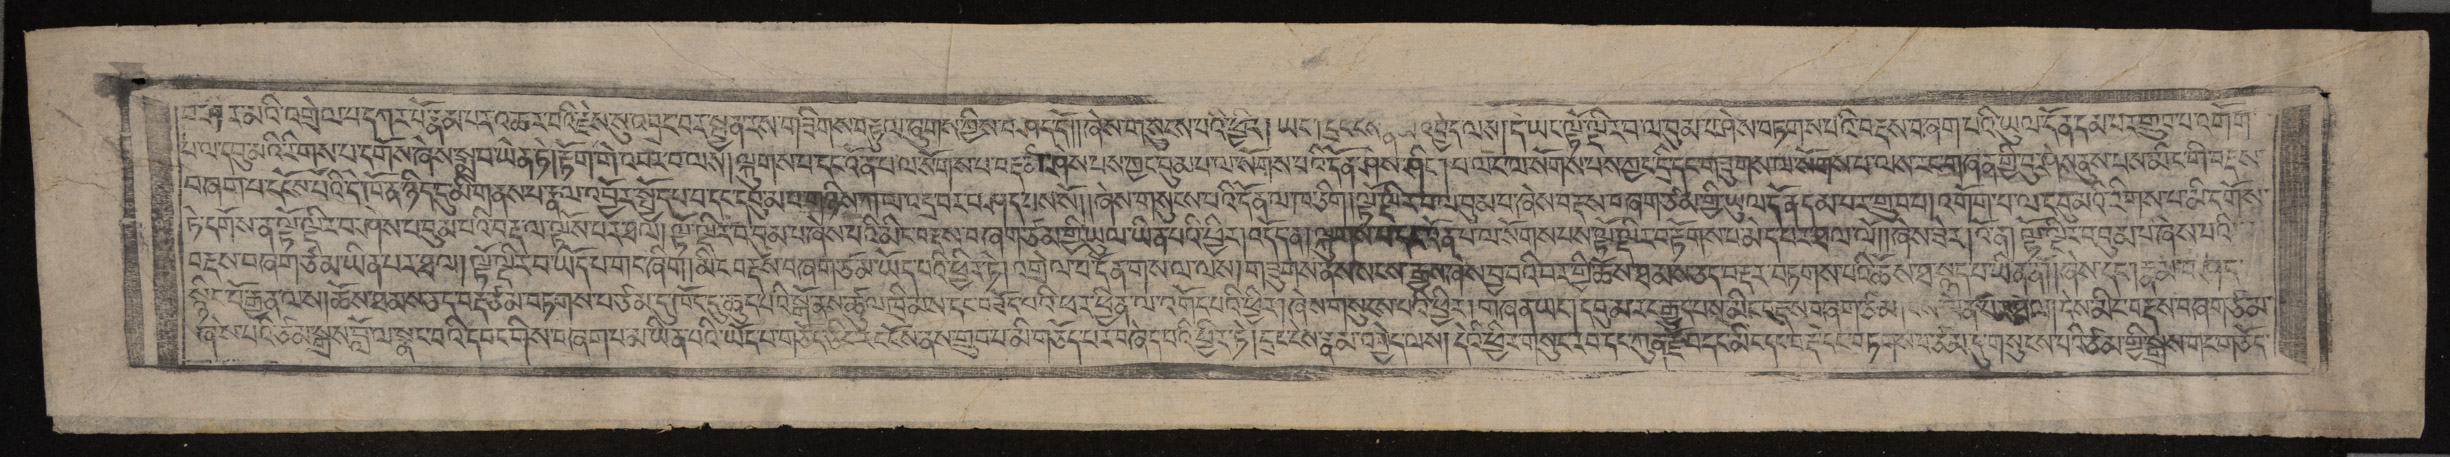བ་ཤར་མའི་འགྲེལ་པ་དཀར་པོ་རྣམ་པར་འཆར་བའི་རྗེས་སུ་འབྲང་བར་སྤྱན་རས་གཟིགས་བརྟུལ་ཞུགས་ཀྱིས་བཤད་དོ། །ཞེས་གསུངས་པའི་ཕྱིར། ཡང་། དྲང་ངེས་རྣམ་འབྱེད་ལས། དེ་ཡང་ལྟོ་ལྡིར་བ་ལ་བུམ་པ་ཞེས་བཏགས་པའི་བརྡས་བཞག་པའི་ཡུལ་དོན་དམ་པར་གྲུབ་པ་འགོག་
བ་ལ་དབུ་མའི་རིགས་པ་དགོས་ཞེས་སྨྲ་བ་ཡིན་ཏེ། རྟོག་གེ་འབར་བ་ལས། ལྐུགས་པ་དང་འོན་པ་ལ་སོགས་པ་བརྡ་མི་ཤེས་པས་ཀྱང་བུམ་པ་ལ་སོགས་པའི་དོན་ཤེས་ཤིང་། ཕ་ལང་?་ལ་སོགས་པས་ཀྱང་དྲི་དང་གཟུགས་ལ་སོགས་པ་ལས་རང་གཞན་གྱི་བུ་ཤེས་ནུས་པས་མིང་གི་བརྡས་
བཞག་པ་དངོས་པོའི་དེ་ཁོ་ན་ཉིད་དུ་མི་གནས་པ་རྣལ་འབྱོར་སྤྱོད་པ་བ་དང་དབུ་མ་པ་གཉིས་ཀ་ལ་འདྲ་བར་བཤད་པས་སོ། །ཞེས་གསུངས་པའི་དོན་ལ་ཁ་ཅིག། ལྟོ་ལྡིར་བ་ལ་བུམ་པ་ཞས་བརྡས་བཞག་ཙམ་གྱི་ཡུལ་དོན་དམ་པར་གྲུབ་པ། འགོག་པ་ལ་དབུ་མའི་རིགས་པ་མི་དགོས་
ཏེ་དགོས་ན་ལྟོ་ལྡིར་བ་ཤེས་པ་བུམ་པའི་བརྡ་ལ་ལྟོས་པར་ཐལ། ལྟོ་ལྡིར་བ་བུམ་པ་ཞེས་པའི་མིང་བརྡས་བཞག་ཙམ་གྱི་ཡུལ་ཡིན་པའི་ཕྱིར། འདོད་ན། ལྐུགས་པ་དང་འོན་པ་ལ་སོགས་པས་ལྟོ་ལྡིར་བརྟོགས་པ་མེད་པར་ཐལ་ལོ། །ཞེས་ཟེར། འོ་ན། ལྟོ་ལྡིར་བ་བུམ་པ་ཞེས་པའི་
བརྡས་བཞག་ཙམ་ཡིན་པར་ཐལ། ལྟོ་ལྡིར་བ་ཡོད་པ་གང་ཞིག། མིང་བརྡས་བཞག་ཙམ་ཡོད་པའི་ཕྱིར་ཏེ། འགྲེལ་པ་དོན་གསལ་ལས། གཟུགས་ནས་སངས་རྒྱས་ཞེས་བྱ་བའི་བར་གྱི་ཆོས་ཐམས་ཅད་བརྡར་བཏགས་པའི་ཆོས་ཐ་སྙད་པ་ཡིན་ནོ། །ཞེས་དང་། རྣམ་བཤད་
སྙིང་པོ་རྒྱན་ལས། ཆོས་ཐམས་ཅད་བརྡ་ཙམ་བཏགས་པ་ཙམ་དུ་ཁོང་དུ་ཆུད་པའི་སྒོ་ནས་ཚུལ་ཁྲིམས་དང་བཟོད་པའི་ཕར་ཕྱིན་ལ་འགོད་པའི་ཕྱིར། ཞེས་གསུངས་པའི་ཕྱིར། གཞན་ཡང་། དབུ་མ་རང་རྒྱུད་པས་མིང་བརྡས་བཞག་ཙམ་ཁས་ལེན་པར་ཐལ། དེས་མིང་བརྡས་བཞག་ཙམ་
ཞེས་པའི་ཙམ་སྒྲས་བློ་ལ་སྣང་བའི་དབང་གིས་བཞག་པ་མ་ཡིན་པའི་ཡོད་པ་གཅོད་ཅིང་རང་ངོས་ནས་གྲུབ་པ་མི་གཅོད་པར་བཞེད་པའི་ཕྱིར་ཏེ། དྲང་ངེས་རྣམ་འབྱེད་ལས། དེའི་ཕྱིར་གསུང་རབ་དང་ཀུན་རྫོབ་དང་མིང་དང་བརྡ་དང་བཏགས་པ་ཙམ་དུ་གསུངས་པའི་ཙམ་གྱི་སྒྲས་གང་གཅོད་